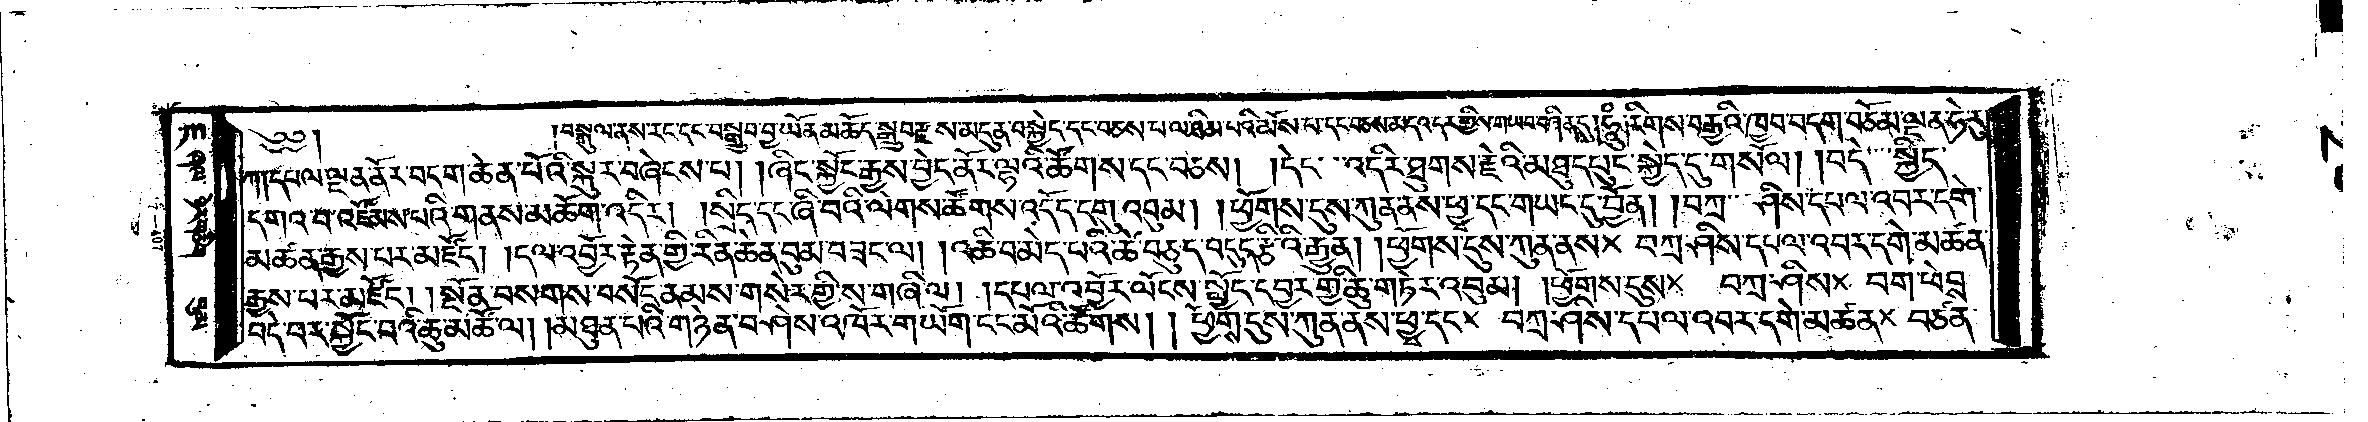༄༅། །བསྐུལ་ནས་རང་དང་བསྒྲུབ་བྱ་ཡོན་མཆོད་སྒྲུབ་རྫས་མདུན་བསྐྱེད་དང་བཅས་པ་ལ་ཐིམ་པའི་མོས་པ་དང་བཅས་མདའ་དར་གྱིས་གཡབ་བཞིན་དུ། ཧཱུཾ༑ རིགས་བརྒྱའི་ཁྱབ་བདག་བཅོམ་ལྡན་ཧེ་རུ་
ཀ༑ དཔལ་ལྡན་ནོར་བདག་ཆེན་པོའི་སྐུར་བཞེངས་པ། །ཞིང་སྐྱོང་རྒྱས་བྱེད་ནོར་ལྷའི་ཚོགས་དང་བཅས། །དེང་འདིར་ཐུགས་རྗེའི་མཐུ་དཔུང་སྐྱེད་དུ་གསོལ། །བདེ་སྐྱིད་
དགའ་བ་འཛོམས་པའི་གནས་མཆོག་འདིར། །སྲིད་དང་ཞི་བའི་ལེགས་ཚོགས་འདོད་དགུ་འབུམ། །ཕྱོགས་དུས་ཀུན་ནས་ཕྱྭ་དང་གཡང་དུ་བྱོན། །བཀྲ་ཤིས་དཔལ་འབར་དགེ་
མཚན་རྒྱས་པར་མཛོད། །དལ་འབྱོར་རྟེན་གྱི་རིན་ཆེན་བུམ་བཟང་ལ། །འཆི་བ་མེད་པའི་ཚེ་བཅུད་བདུད་རྩིའི་རྒྱུན། །ཕྱོགས་དུས་ཀུན་ནས་྾་བཀྲ་ཤིས་དཔལ་འབར་དགེ་མཚན་
རྒྱས་པར་མཛོད། །སྔོན་བསགས་བསོད་ནམས་གསེར་གྱི་ས་གཞི་ལ། །དཔལ་འབྱོར་ལོངས་སྤྱོད་དབྱར་གྱི་ཆུ་གཏེར་འབུམ། །ཕྱོགས་དུས་྾་བཀྲ་ཤིས་྾་བག་ཕེགས་
བདེ་བར་སྐྱོང་བའི་ཆུ་མཚོ་ལ། །མཐུན་པའི་གཉེན་བཤེས་འཁོར་གཡོག་ངང་མོའི་ཚོགས། །ཕྱོགས་དུས་ཀུན་ནས་ཕྱྭ་དང་྾་བཀྲ་ཤིས་དཔལ་འབར་དགེ་མཚན་྾་བཙན་